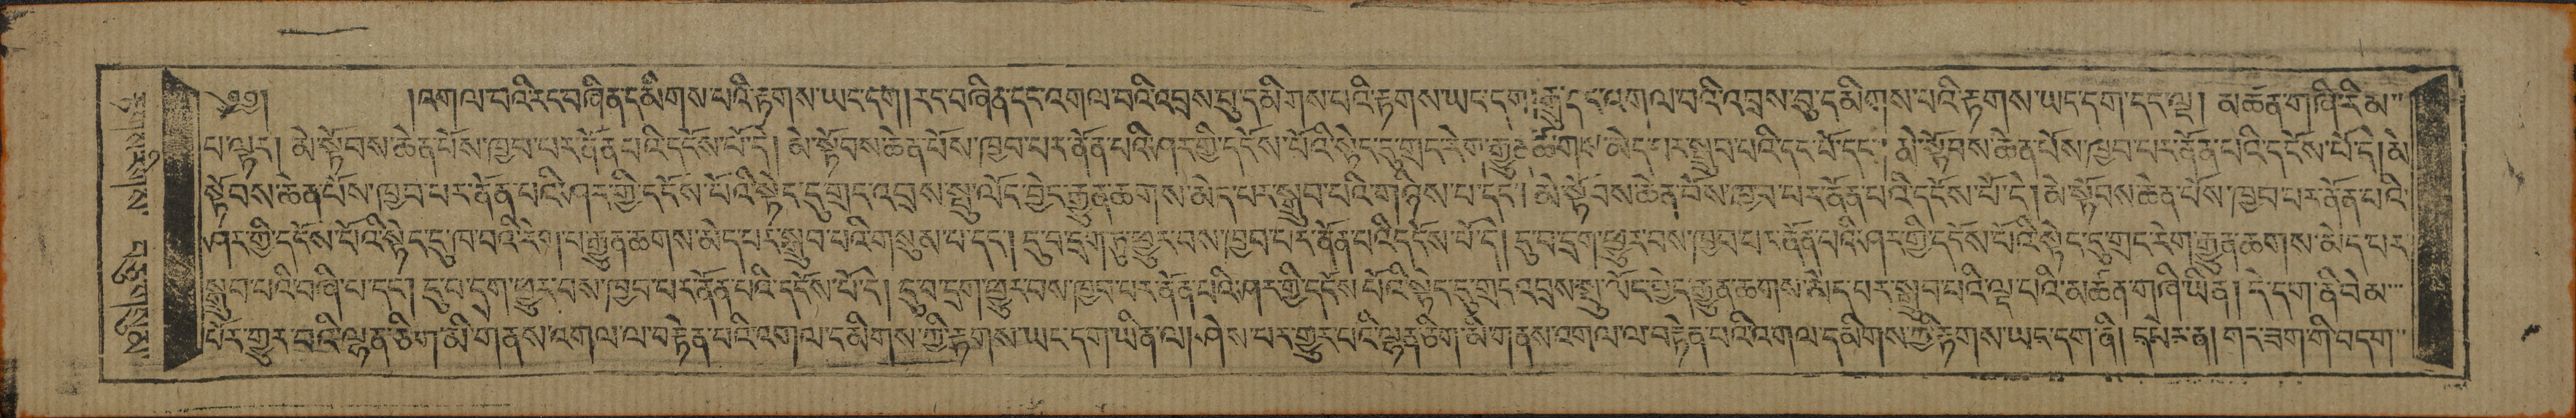༄༅། །འགལ་བའི་རང་བཞིན་དམིགས་པའི་རྟགས་ཡང་དག། རང་བཞིན་དང་འགལ་བའི་འབྲས་བུ་དམིགས་པའི་རྟགས་ཡང་དག། རྒྱུ་དང་འགལ་བའི་འབྲས་བུ་དམིགས་པའི་རྟགས་ཡང་དག་དང་ལྔ། མཚན་གཞི་རིམ་
པ་ལྟར། མེ་སྟོབས་ཆེན་པོས་ཁྱབ་པར་ནོན་པའི་དངོས་པོ་དེ། མེ་སྟོབས་ཆེན་པོས་ཁྱབ་པར་ནོན་པའི་ཤར་གྱི་དངོས་པོའི་སྟེང་དུ་གྲང་རེག་རྒྱུན་ཆགས་མེད་པར་སྒྲུབ་པའི་དང་པོ་དང་། མེ་སྟོབས་ཆེན་པོས་ཁྱབ་པར་ནོན་པའི་དངོས་པོ་དེ། མེ་
སྟོབས་ཆེན་པོས་ཁྱབ་པར་ནོན་པའི་ཤར་གྱི་དངོས་པོའི་སྟེང་དུ་གྲང་འབྲས་སྤུ་ལོང་བྱེད་རྒྱུན་ཆགས་མེད་པར་སྒྲུབ་པའི་གཉིས་པ་དང་། མེ་སྟོབས་ཆེན་པོས་ཁྱབ་པར་ནོན་པའི་དངོས་པོ་དེ། མེ་སྟོབས་ཆེན་པོས་ཁྱབ་པར་ནོན་པའི་
ཤར་གྱི་དངོས་པོའི་སྟེང་དུ་ཁ་བའི་རེག་པ་རྒྱུན་ཆགས་མེད་པར་སྒྲུབ་པའི་གསུམ་པ་དང་། དུ་བ་དྲག་ཏུ་ཕྱུར་བས་ཁྱབ་པར་ནོན་པའི་དངོས་པོ་དེ། དུ་བ་དྲག་ཕྱུར་བས་ཁྱབ་པར་ནོན་པའི་ཤར་གྱི་དངོས་པོའི་སྟེང་དུ་གྲང་རེག་རྒྱུན་ཆགས་མེད་པར་
སྒྲུབ་པའི་བཞི་པ་དང་། དུ་བ་དྲག་ཕྱུར་བས་ཁྱབ་པར་ནོན་པའི་དངོས་པོ་དེ། དུ་བ་དྲག་ཕྱུར་བས་ཁྱབ་པར་ནོན་པའི་ཤར་གྱི་དངོས་པོའི་སྟེང་དུ་གྲང་འབྲས་སྤུ་ལོང་བྱེད་རྒྱུན་ཆགས་མེད་པར་སྒྲུབ་པའི་ལྔ་པའི་མཚན་གཞི་ཡིན། དེ་དག་ནི་བེམ་
པོར་གྱུར་བའི་ལྷན་ཅིག་མི་གནས་འགལ་ལ་བརྟེན་པའི་འགལ་དམིགས་ཀྱི་རྟགས་ཡང་དག་ཡིན་ལ། ཤེས་པར་གྱུར་པའི་ལྷན་ཅིག་མི་གནས་འགལ་ལ་བརྟེན་པའི་འགལ་དམིགས་ཀྱི་རྟགས་ཡང་དག་ནི། དཔེར་ན། གང་ཟག་གི་བདག་